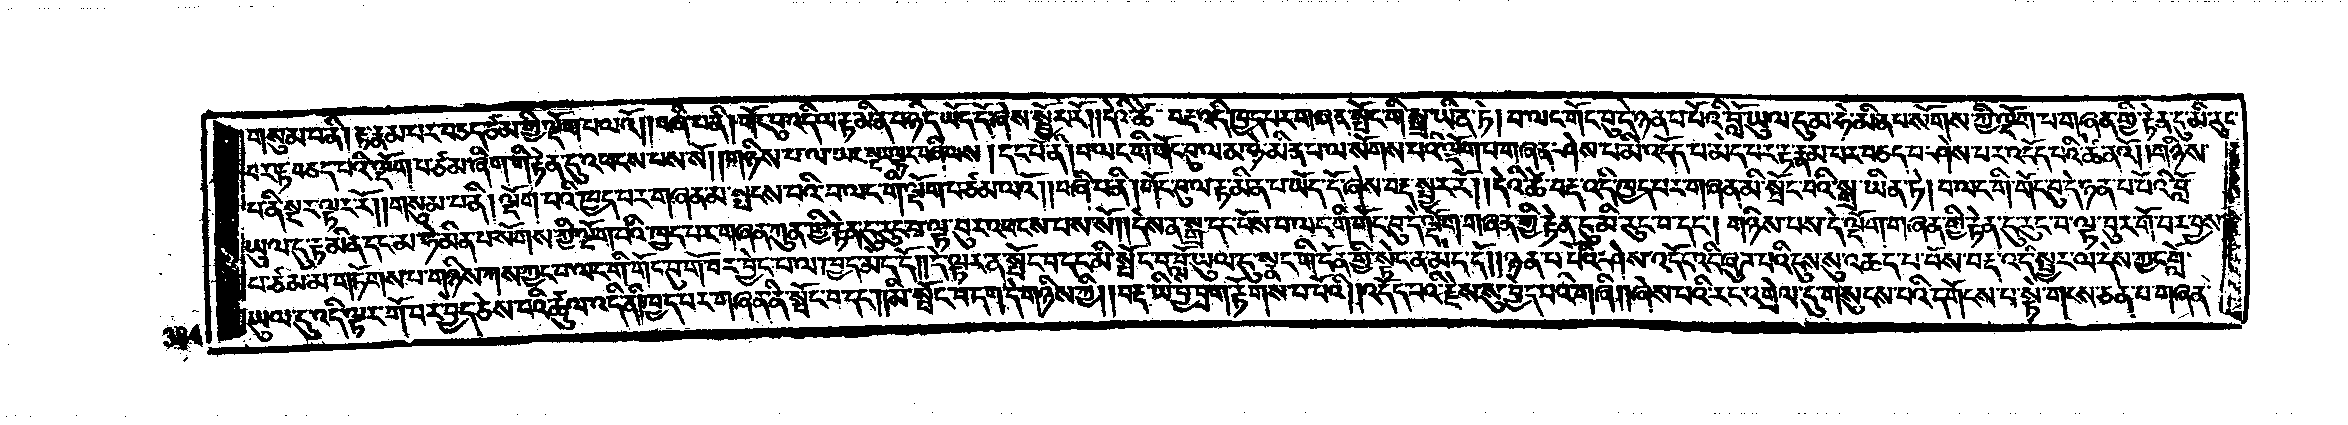གསུམ་པ་ནི། རྟ་རྣམ་པར་བཅད་ཙམ་གྱི་ལྡོག་པ་ལའོ། །བཞི་པ་ནི། གོང་བུ་འདི་ལ་རྟ་མིན་པ་ཉིད་ཡོད་དོ་ཞེས་སྦྱོར་རོ། །དེའི་ཚེ་བརྡ་འདི་ཁྱད་པར་གཞན་སྤོང་གི་སྒྲ་ཡིན་ཏེ། བ་ལང་གོང་བུ་དེ་ཉན་པ་པོའི་བློ་ཡུལ་དུ་མ་ཧེ་མིན་པ་སོགས་ཀྱི་ལྡོག་པ་གཞན་གྱི་རྟེན་དུ་མི་རུང་
བར་རྟ་བཅད་པའི་ལྡོག་པ་ཙམ་ཞིག་གི་རྟེན་དུ་འཕངས་པས་སོ། །གཉིས་པ་ལ་ཡང་སྔར་ལྟར་བཞི་ལས། དང་པོ་ནི། བ་ལང་གི་གོང་བུ་ལ་མ་ཧེ་མིན་པ་ལ་སོགས་པའི་ལྡོག་པ་གཞན་ཤེས་པ་མི་འདོད་པ་མེད་པར་རྟ་རྣམ་པར་བཅད་པ་ཤེས་པར་འདོད་པའི་ཚེ་ནའོ། །གཉིས་
པ་ནི་སྔར་ལྟར་རོ། །གསུམ་པ་ནི། ལྡོག་པའི་ཁྱད་པར་གཞན་མ་སྤངས་པའི་བ་ལང་གི་ལྡོག་པ་ཙམ་ལའོ། །བཞི་པ་ནི། གོང་བུ་ལ་རྟ་མིན་པ་ཡོད་དོ་ཞེས་བརྡ་སྦྱར་རོ། །དེའི་ཚེ་བརྡ་འདི་ཁྱད་པར་གཞན་མི་སྤོང་བའི་སྒྲ་ཡིན་ཏེ། བ་ལང་གི་གོང་བུ་དེ་ཉན་པ་པོའི་བློ་
ཡུལ་དུ་རྟ་མིན་དང་མ་ཧེ་མིན་པ་སོགས་ཀྱི་ལྡོག་པའི་ཁྱད་པར་གཞན་ཀུན་གྱི་རྟེན་དུ་རུང་བ་ལྟ་བུར་འཕངས་པས་སོ། །དེས་ན་སྒྲ་དང་པོས་བ་ལང་གི་གོང་བུ་དེ་ལྡོག་གཞན་གྱི་རྟེན་དུ་མི་རུང་བ་དང་། གཉིས་པས་དེ་ལྡོག་གཞན་གྱི་རྟེན་དུ་རུང་བ་ལྟ་བུར་གོ་བར་བྱས་
པ་ཙམ་མ་གཏོགས་པ་གཉིས་ཀས་ཀྱང་བ་ལང་གི་གོང་བུ་གོ་བར་བྱེད་པ་ལ་ཁྱད་མེད་དོ། །དེ་ལྟར་ན་སྤོང་བ་དང་མི་སྤོང་བ་བློ་ཡུལ་དུ་སྣང་གི་དོན་གྱི་སྟེང་ན་མེད་དོ། །ཉན་པ་པོའི་ཤེས་འདོད་འདི་ཞུགས་པའི་དུས་སུ་འཆད་པ་པོས་བརྡ་འདི་སྦྱར་ལ་དེས་ཀྱང་གློ་
ཡུལ་དུ་འདི་ལྟར་གོ་བར་བྱེད་ཅེས་པའི་ཚུལ་འདི་ནི། ཁྱད་པར་གཞན་ནི་སྤོང་བ་དང་། །མི་སྤོང་བ་དག་དེ་གཉིས་ཀྱི། །བརྡ་ཡི་བྱེ་བྲག་རྟོགས་པ་པོའི། །འདོད་པའི་རྗེས་སུ་བྱེད་པའི་གཞི། །ཞེས་པའི་རང་འགྲེལ་དུ་གསུངས་པའི་དགོངས་པ་སྟེ་གངས་ཅན་པ་གཞན་